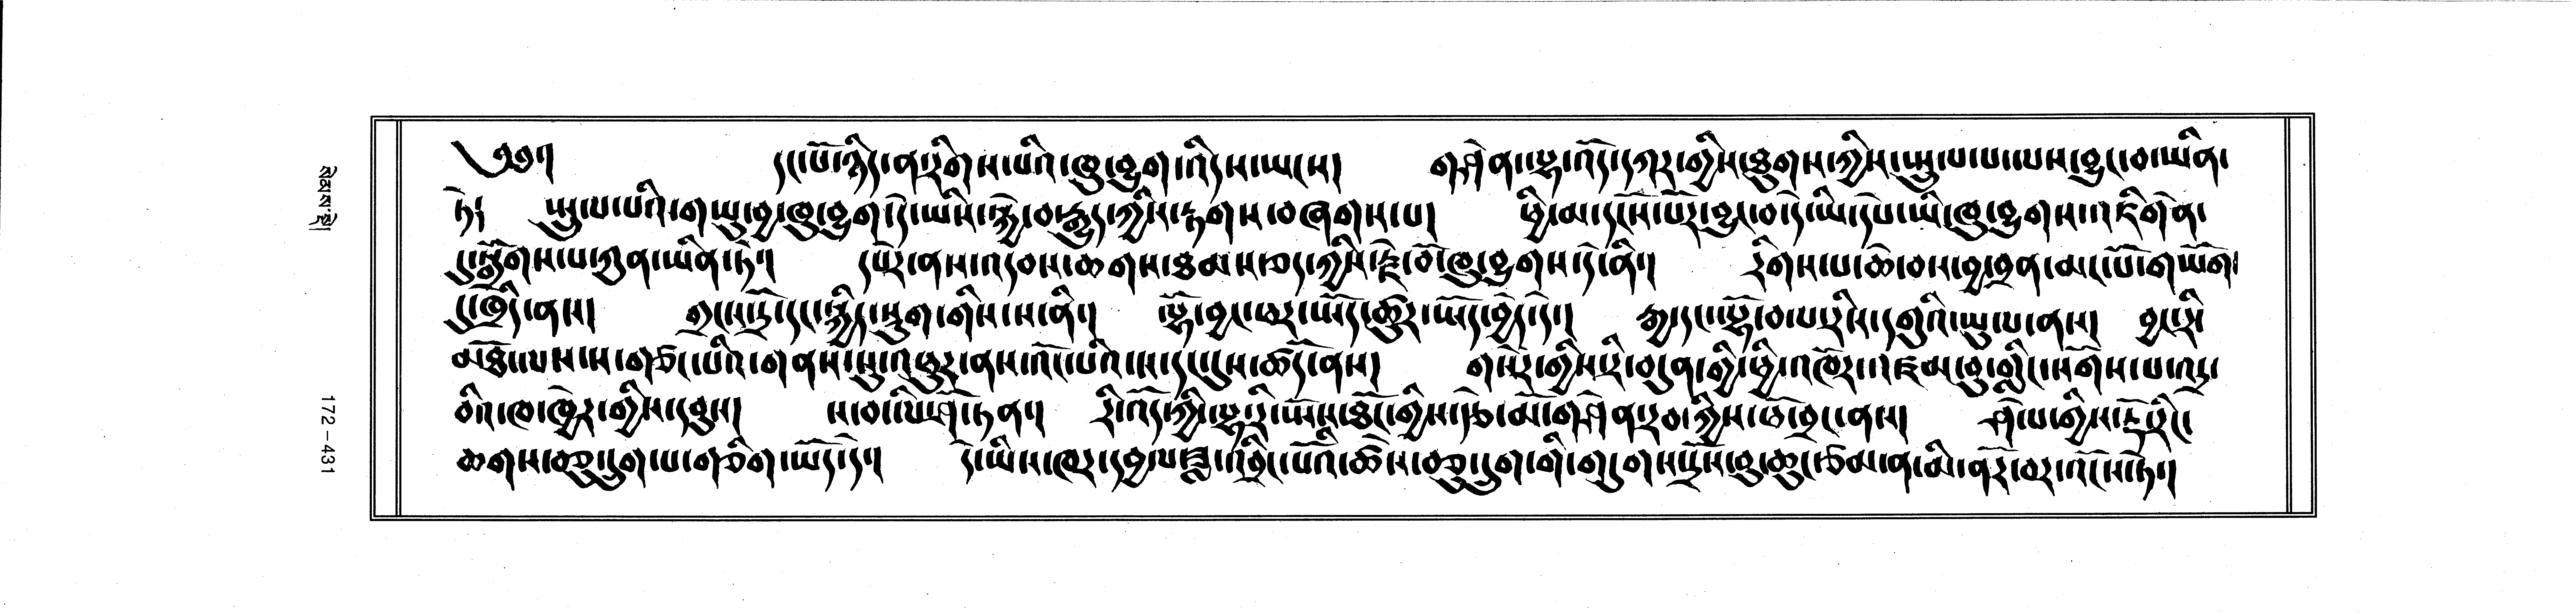དང་པོ་ཉིད་ན་རིག་པའི་ཁུ་བྱུག་འདིས་ཡང། གཤེན་ལྷ་འོད་དཀར་གྱིས་ཐུགས་ཀྱིས་སྤྲུལ་པ་ལས་བྱུང་བ་ཡིན་
ཏེ། སྤྲུལ་པའི་གཡུ་བྱ་ཁུ་བྱུག་དེ་ཡིས་སྐྱེ་བ་རྒྱུད་ཀྱིས་རྟགས་བཞགས་པ། ཕྱི་མ་དངོས་པོར་བྱུང་བ་དེ་ཡི་དཔེ་ཡི་ཁུ་བྱུག་འཇིག་རྟེན་
དུ་སྒྲོགས་པ་ཀུན་ཡིན་ཏེ། དཔེར་ནས་འདབས་ཆགས་ཐམས་ཅད་ཀྱིས་རྗེ་བོ་ཁུ་བྱུག་དེ་ནི། རིག་པ་ཆེ་བས་བྱ་བྲན་མང་པོ་གཡོག་
དུ་ཁྲིད་ནས། གྲངས་དྲོ་དང་སྐྱེད་སྡུག་གིས་ས་ནི། ལྷོ་བྱང་ཕར་སྤོད་ཚུར་སྤོད་བྱེད་དེ། རྒྱ་དང་ལྷོ་བལ་རིས་དགུའི་ཡུལ་ནས། བྱང་རི་
མཐོ་ལས་ས་གཙང་པའི་གནས་སུ་འཕུར་ནས་འོང་པའི་ས་དང་དུས་་ཚོད་ནས། གསེར་གྱིས་རི་བདུན་གྱི་ཕྱི་འཁོར་འཛམ་བུ་གླིང་སོགས་པ་འདྲ་
བའི་ཁ་ཁྱེར་གྱིས་དབུས། ས་བ་ལི་ཤོ་ཏན། རི་འོད་ཀྱི་ལྷ་རི་སྤོས་ཐོང་གྱིས་རྩེ་མོ་གཤེན་རབ་ཀྱིས་ཕོ་བྲང་ནས། ཤེལ་གྱིས་རྡོ་རིང་
ཆགས་བཅུ་དྲུག་པ་གཅིག་ཡོད་དེ། དེ་ཡིས་ཁར་དབྱལ་ཟླ་འབྲིང་པོའི་ཚེས་བཅུ་དྲུག་གི་གདུགས་དྲོས་བུ་ཆུང་ཙམ་ན་མི་ནོར་བར་འོངས་ཏེ།